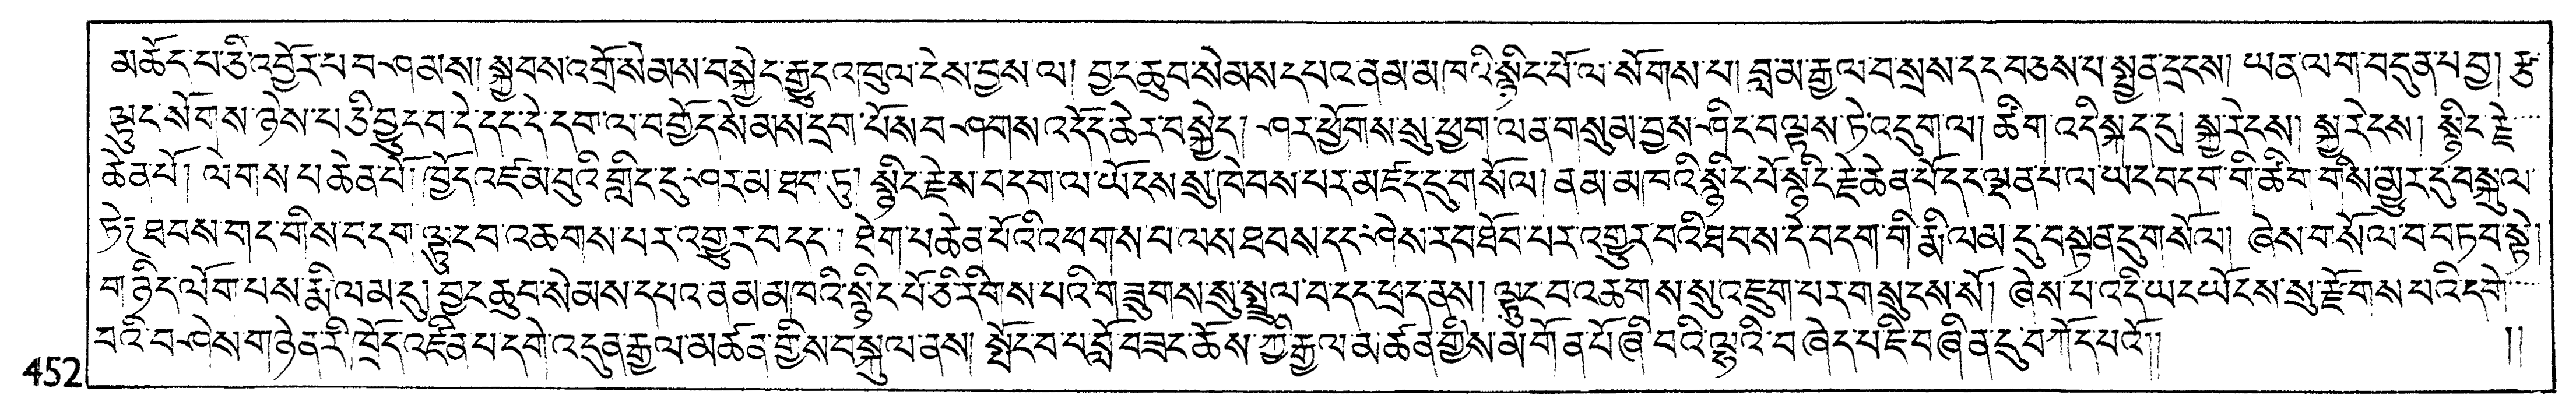མཆོད་པ་ཅི་འབྱོར་པ་བཤམས། སྐྱབས་འགྲོ་སེམས་བསྐྱེད་རྒྱུད་འཁུལ་ངེས་བྱས་ལ། བྱང་ཆུབ་སེམས་དཔའ་ནམ་མཁའི་སྙིང་པོ་ལ་སོགས་པ། བླ་མ་རྒྱལ་བ་སྲས་དང་བཅས་པ་སྤྱན་དྲངས། ཡན་ལག་བདུན་པ་བྱ། རྩ་
ལྟུང་སོགས་ཉེས་པ་ཅི་བྱུང་བ་དེ་དང་དེ་དག་ལ་བགྱོད་སེམས་དྲག་པོས་བཤགས་འདོད་ཆེར་བསྐྱེད། ཤར་ཕྱོགས་སུ་ཕྱག་ལན་གསུམ་བྱས་ཤིང་བལྟས་ཏེ་འདུག་ལ། ཚིག་འདི་སྐད་དུ། སྐྱ་རེངས། སྐྱ་རེངས། སྙིང་རྗེ་
ཆེན་པོ། ལེགས་པ་ཆེན་པོ། ཁྱོད་འཛམ་བུའི་གླིང་དུ་ཤར་མ་ཐག་ཏུ། སྙིང་རྗེས་བདག་ལ་ཡོངས་སུ་ཁེབས་པར་མཛད་དུ་གསོལ། ནམ་མཁའི་སྙིང་པོ་སྙིང་རྗེ་ཆེན་པོ་དང་ལྡན་པ་ལ་ཡང་བདག་གི་ཚིག་གིས་མྱུར་དུ་བསྐུལ་
ཏེ༑ ཐབས་གང་གིས་བདག་ལྟུང་བ་འཆགས་པར་འགྱུར་བ་དང་། ཐེག་པ་ཆེན་པོའི་འཕགས་པ་ལས་ཐབས་དང་ཤེས་རབ་ཐོབ་པར་འགྱུར་བའི་ཐབས་དེ་བདག་གི་རྨི་ལམ་དུ་བསྟན་དུ་གསོལ། ཞེས་གསོལ་བ་བཏབ་སྟེ།
གཉིད་ལོག་པས་རྨི་ལམ་དུ། བྱང་ཆུབ་སེམས་དཔའ་ནམ་མཁའི་སྙིང་པོ་ཅི་རིགས་པའི་གཟུགས་སུ་སྤྲུལ་བ་དང་ཕྲད་ནས། ལྟུང་བ་འཆགས་སུ་འཇུག་པར་གསུངས་སོ། ཞེས་པ་འདི་ཡང་ཡོངས་སུ་རྫོགས་པའི་དགེ་
བའི་བཤེས་གཉེན་རི་ཁྲོད་འཛིན་པ་དགེ་འདུན་རྒྱལ་མཚན་གྱིས་བསྐུལ་ནས། སྤོང་བ་པ་བློ་བཟང་ཆོས་ཀྱི་རྒྱལ་མཚན་གྱིས་མགོན་པོ་ཞི་བའི་ལྷའི་བཞེད་པ་ཇི་བཞིན་དུ་བཀོད་པའོ།། །།